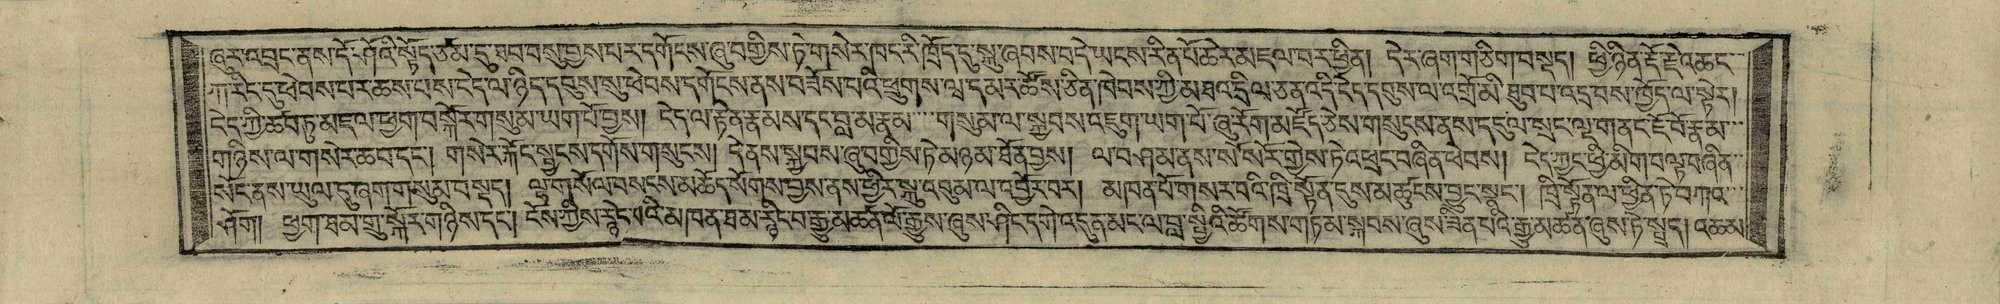ཞུར་འབྲང་ནས་དོ་ཤོའི་སྟོད་ཙམ་དུ་ཐབ་བསུ་བྱས་པར་དགོངས་ཞུ་བགྱིས་ཏེ་གསེར་ཁང་རི་ཁྲོད་དུ་སྐུ་ཞབས་བདེ་ཡངས་རིན་པོ་ཆེར་མཇལ་བར་ཕྱིན། དེར་ཞག་གཅིག་བསྡད། ཕྱི་ཉིན་རྡོ་རྗེ་འཆང་
ཀ་རིང་དུ་ཕེབས་པར་ཆས་པས་ངེད་ལ་ཉིད་དབུས་སུ་ཕེབས་དགོངས་ནས་བཟོས་པའི་ཕྲུགས་ཝ་དམར་ཚོས་ཅི་ན་ཁེབས་ཀྱི་མཐའ་དྲིལ་ཅན་འདི་ངེད་དབུས་ལ་འགྲོ་མི་ཐུབ་པ་འདྲ་བས་ཁྱོད་ལ་སྟེར།
ངེད་ཀྱི་ཚབ་ཏུ་མཇལ་ཕྱག་བསྐོར་གསུམ་ཡག་པོ་བྱས། ངེད་ལ་རྟེན་རྣམས་དང་བླ་མ་རྣམ་གསུམ་ལ་སྐྱབས་འཇུག་ཡག་པོ་ཞུ་རོག་མཛོད་ཅེས་གསུངས་ནས་དངུལ་སྲང་ལྔ་གནང་ཇོ་བོ་རྣམ་
གཉིས་ལ་གསེར་ཆབ་དང་། གསེར་རྐོང་སྦྱངས་དགོས་གསུངས། དེ་ནས་སྐྱབས་ཞུ་བགྱིས་ཏེ་མཉམ་ཐོན་བྱས། ལ་བཤམ་ནས་སོ་སོར་གྱེས་ཏེ་འཕྲང་བཞིན་ཕེབས། ངེད་ཀྱང་ཕྱི་མིག་བལྟ་བཞིན་
སོང་ནས་ཡུལ་དུ་ཞག་གསུམ་བསྡད། ལྷ་གསོལ་བསངས་མཆོད་སོགས་བྱས་ནས་ཕྱིར་སྐུ་འབུམ་ལ་འབྱོར་བར། མཁན་པོ་གསར་བའི་ཁྲི་སྟོན་དུས་མཚུངས་བྱུང་སྣང་། ཁྲི་སྟོན་ལ་ཕྱིན་ཏེ་བཀའ་
ཤོག །ཕྱག་ཐམ་གྲུ་སྐོར་གཉིས་དང་། ངོས་ཀྱིས་རྙེད་པའི་མཁན་ཐ་མ་རྙིང་བ་རྒྱུ་མཚན་ལོ་རྒྱུས་ཞུས་ཤིང་དགེ་འདུན་མང་ལ་བླ་སྤྱིའི་ཚོགས་གཏམ་སྐབས་ཞུས་ཟིན་པའི་རྒྱུ་མཚན་ཞུས་ཏེ་སྤྲད། འཆམ་